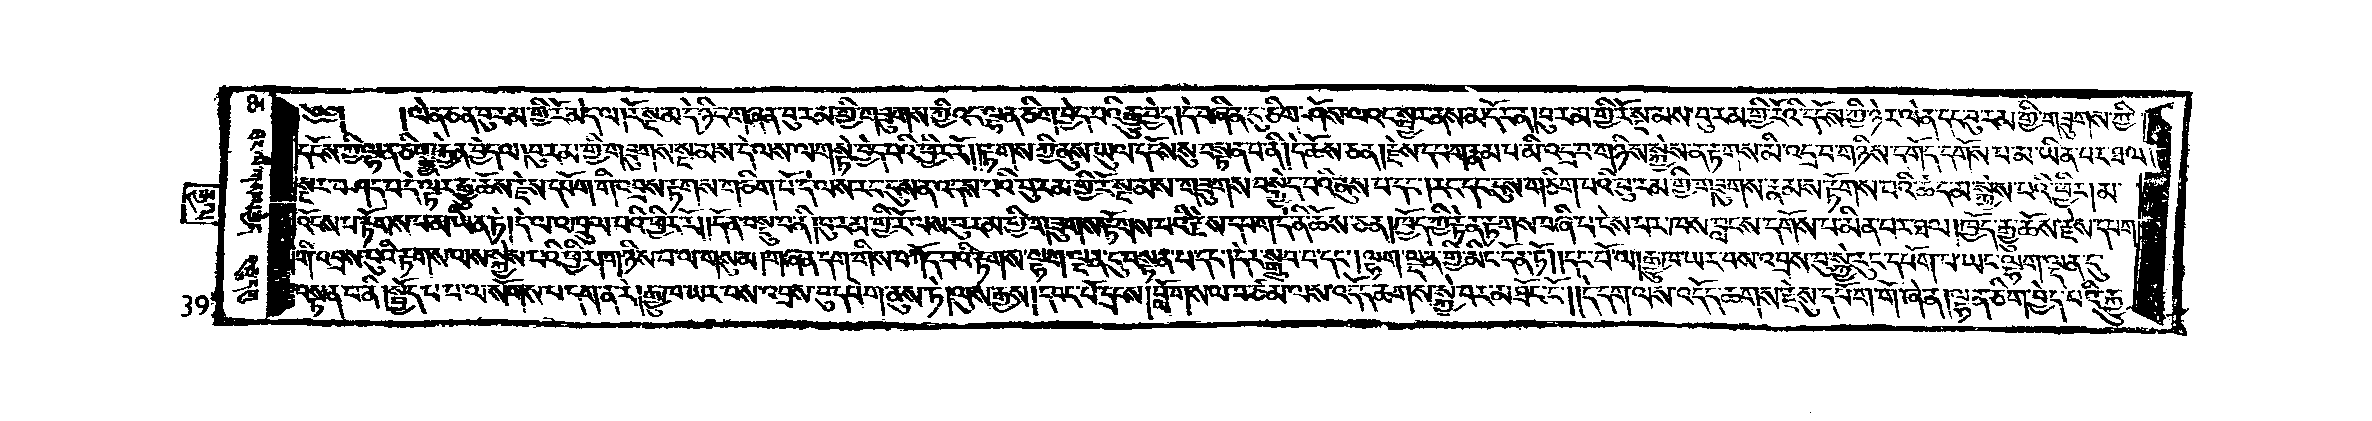༄༅། །ལེན་ཅན་བུ་རམ་གྱི་རོ་མེད་ལ། རོ་སྔ་མ་དེ་ཉིད་གཞན་བུ་རམ་གྱི་གཟུགས་ཀྱིའང་ལྷན་ཅིག་བྱེད་པའི་རྒྱུ་བྱེད། དེ་བཞིན་དུ་ཅིག་ཤོས་ལའང་སྦྱར་ནས་མདོར་ན། བུ་རམ་གྱི་རོ་སྔ་མས་བུ་རམ་གྱི་རོའི་དངོས་ཀྱི་ཉེར་ལེན་དང་བུ་རམ་གྱི་གཟུགས་ཀྱི་
དངོས་ཀྱི་ལྷན་ཅིག་བྱེད་རྐྱེན་བྱེད་ལ། བུ་རམ་གྱི་གཟུགས་སྔ་མས་དེ་ལས་ལག་སྟེ་བྱེད་པའི་ཕྱིར་རོ། །རྟགས་ཀྱི་ནུས་ཡུལ་དངོས་སུ་བསྟན་པ་ནི། དེ་ཆོས་ཅན། རྗེས་དཔག་རྣམ་པ་མི་འདྲ་བ་གཉིས་སྐྱེས་ན་རྟགས་མི་འདྲ་བ་གཉིས་དགོད་དགོས་པ་མ་ཡིན་པར་ཐལ།
སྔར་བཤད་པ་དེ་ལྟར་རྒྱུ་ཆོས་རྗེས་དཔོག་གི་འབྲས་རྟགས་གཅིག་པོ་དེ་ལས་རང་དུས་ན་འདས་པའི་བུ་རམ་གྱི་རོ་སྔ་མས་གཟུགས་བསྐྱེད་པའི་ནུས་པ་དང་། རང་དང་དུས་གཅིག་པའི་བུ་རམ་གྱི་གཟུགས་རྣམས་རྟོགས་པའི་ཚད་མ་སྐྱེས་པའི་ཕྱིར། མ་
འོངས་པ་རྟོགས་པ་མ་ཡིན་ཏེ། དེ་ལ་འཁྲུལ་པའི་ཕྱིར་རོ། །དོན་བསྡུ་བ་ནི། བུ་རམ་གྱི་རོ་ལས་བུ་རམ་གྱི་གཟུགས་རྟོགས་པའི་རྗེས་དཔག་དེ་ནི་ཆོས་ཅན། ཁྱོད་ཀྱི་རྟེན་རྟགས་བཞི་པ་ངེས་པར་ཁས་བླངས་དགོས་པ་མིན་པར་ཐལ། ཁྱོད་རྒྱུ་ཆོས་རྗེས་དཔག་
གི་འབྲས་བུའི་རྟགས་ལས་སྐྱེས་པའི་ཕྱིར། གཉིས་པ་ལ་གསུམ། གཞན་དག་གིས་བཀོད་པའི་རྟགས་ལྷག་ལྡན་དུ་བསྟན་པ་དང་། དེར་སྒྲུབ་པ་དང་། ལྷག་ལྡན་གྱི་མིང་དོན་ཏོ། །དང་པོ་ལ། རྒྱུ་ཁ་ཡར་བས་འབྲས་བུ་སྐྱེ་རུང་དཔོག་པ་ཡང་ལྷག་ལྡན་དུ་
བསྟན་པ་ནི། སྤྱོད་པ་པོ་ལ་སོགས་པ་དག་ན་རེ། རྒྱུ་ཁ་ཡར་བས་འབྲས་བུ་དཔོག་ནུས་ཏེ། ལུས་རྒྱས། དབང་པོ་དྲངས། བློ་གསལ་བ་ཙམ་ལས་འདོད་ཆགས་སྐྱེ་བར་མཐོང་ངོ། །དེ་དག་ལས་འདོད་ཆགས་རྗེས་སུ་དཔོག་གོ་ཞེ་ན། ལྷན་ཅིག་བྱེད་པའི་རྒྱུ་